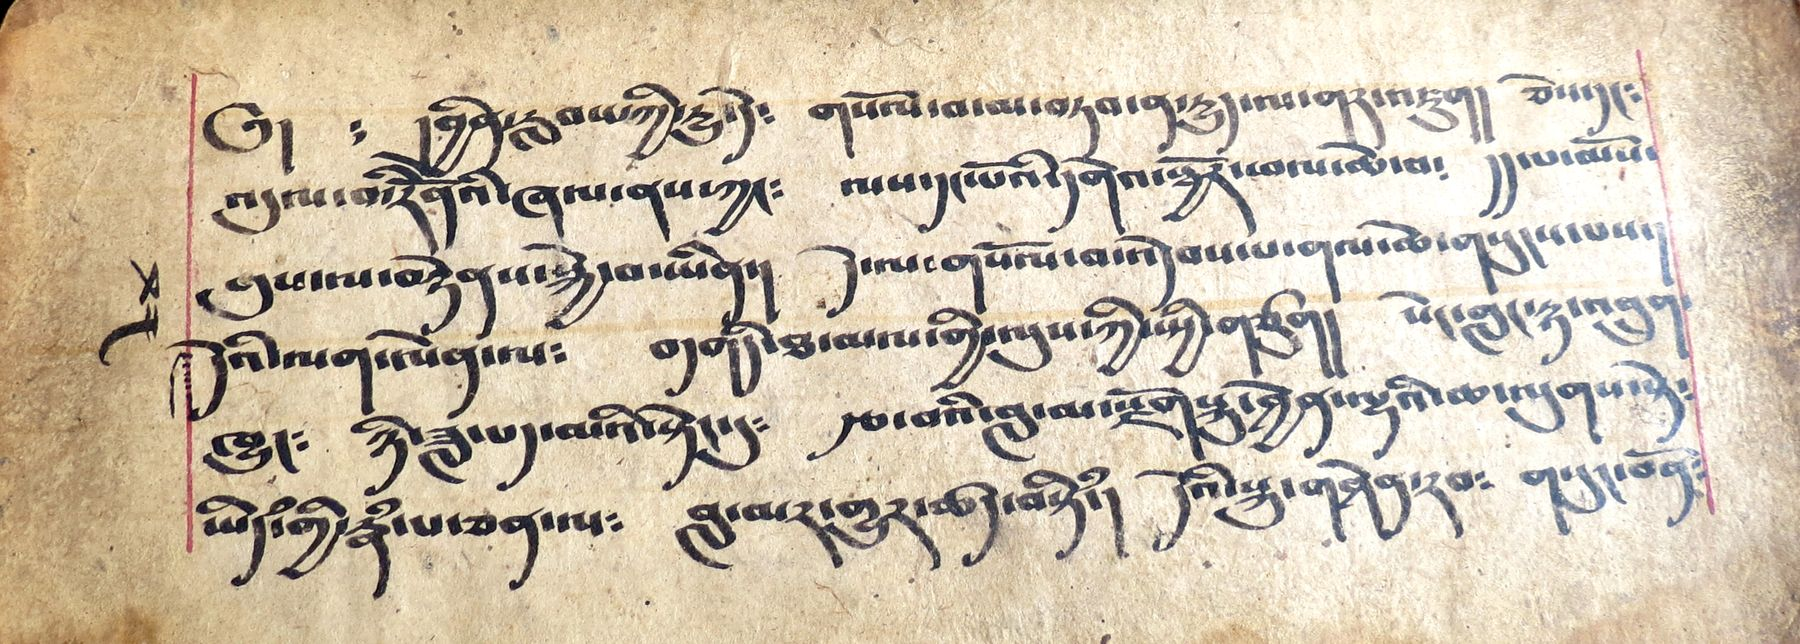བྱིན་རླབས་ཀྱི་རྒྱུ་སྟེ། གསོལ་བ་མ་བཏབ་ན་རྒྱུད་ལ་གར་འཇུག ཅེས་དང་། 
འདུལ་བ་རིན་པོ་ཆེའི་ཞལ་ནས། ལས་དང་པོའི་དགེ་སྦྱོར་བ་ཕལ་ཆེར་དད་པ་མོས་
གུས་ལ་བརྟེན་ནས་སྐྱེ་བ་ཡིན། དེ་ལ་གསོལ་བ་འདེབས་པ་གལ་ཆེ་གསུངས་པས། 
དེའི་ལག་ལེན་ལ། བདག་ཉིད་ཐ་མལ་གྱི་ལུས་ཀྱི་སྤྱི་གཙུག་ཏུ་སེང་གླང་རྟ་འབྲུག་
ཁྱུང་ཉི་ཟླ་པདྨའི་གདན་སྟེང་དུ། རྩ་བའི་བླ་མ་རྫོགས་སྐུ་གཤེན་ལྷའི་ཆ་ལུགས་ཏེ། 
ཡི་དམ་གྱི་རྣམ་པ་ཅན་ལ་བླ་མར་གྱུར་ཚད་སྟིམས། དེའི་སྐུ་གཤེན། གསུང་བོན།